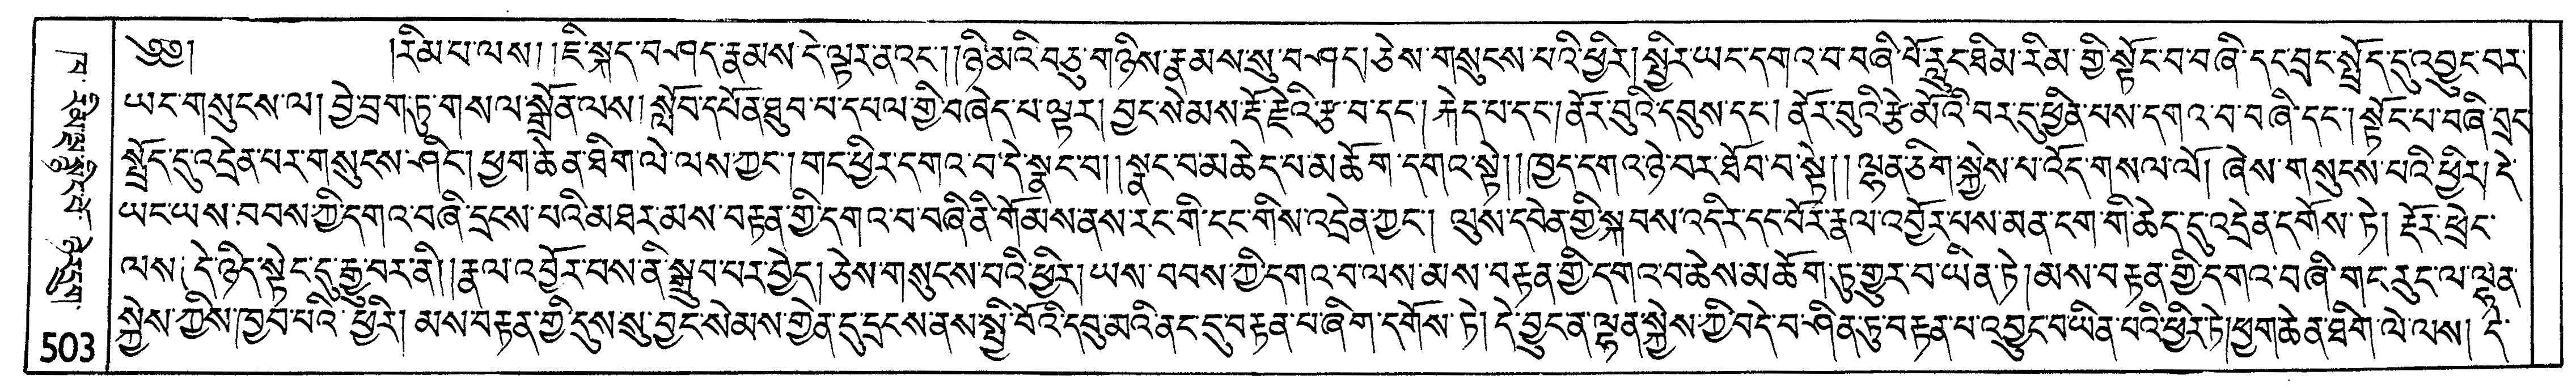༄༅། །རིམ་པ་ལས། །ཇི་སྐད་བཤད་རྣམས་དེ་ལྟར་ནའང་། །ཉི་མའི་བཅུ་གཉིས་རྣམས་སུ་བཤད། ཅེས་གསུངས་པའི་ཕྱིར། སྤྱིར་ཡང་དགའ་བ་བཞི་པོ་རླུང་ཐིམ་རིམ་གྱི་སྟོང་པ་བཞི་དང་བྲང་སྤྲོད་དུ་འབྱུང་བར་
ཡང་གསུངས་ལ། བྱེ་བྲག་ཏུ་གསལ་སྒྲོན་ལས། སློབ་དཔོན་ཐུབ་པ་དཔལ་གྱི་བཞེད་པ་ལྟར། བྱང་སེམས་རྡོ་རྗེའི་རྩ་བ་དང་། རྐེད་པ་དང་། ནོར་བུའི་དབུས་དང་། ནོར་བུའི་རྩེ་མོའི་བར་དུ་ཕྱིན་པས་དགའ་བ་བཞི་དང་། སྟོང་པ་བཞི་བྲང་
སྤྲོད་དུ་འདྲེན་པར་གསུངས་ཤིང་། ཕྱག་ཆེན་ཐིག་ལེ་ལས་ཀྱང་། གང་ཕྱིར་དགའ་བ་དེ་སྣང་བ། །སྣང་བ་མཆེད་པ་མཆོག་དགའ་སྟེ། །ཁྱད་དགའ་ཉེ་བར་ཐོབ་པ་སྟེ། །ལྷན་ཅིག་སྐྱེས་པ་འོད་གསལ་ལོ། ཞེས་གསུངས་པའི་ཕྱིར། དེ་
ཡང་ཡས་བབས་ཀྱི་དགའ་བཞི་དྲངས་པའི་མཐར་མས་བརྟན་གྱི་དགའ་བ་བཞི་ནི་གོམས་ནས་རང་གི་ངང་གིས་འདྲེན་ཀྱང་། ལུས་དབེན་གྱི་སྐབས་འདིར་དང་པོར་རྣལ་འབྱོར་པས་མན་ངག་གི་ཆེད་དུ་འདྲེན་དགོས་ཏེ། རྡོར་ཕྲེང་
ལས། དེ་ཉིད་སྟེང་དུ་རྒྱུ་བར་ནི། །རྣལ་འབྱོར་པས་ནི་སྒྲུབ་པར་བྱེད། ཅེས་གསུངས་པའི་ཕྱིར། ཡས་བབས་ཀྱི་དགའ་བ་ལས་མས་བརྟན་གྱི་དགའ་བ་ཆེས་མཆོག་ཏུ་གྱུར་བ་ཡིན་ཏེ། མས་བརྟན་གྱི་དགའ་བཞི་གང་རུང་ལ་ལྷན་
སྐྱེས་ཀྱིས་ཁྱབ་པའི་ཕྱིར། མས་བརྟན་གྱི་དུས་སུ་བྱང་སེམས་གྱེན་དུ་དྲངས་ནས་སྤྱི་བོའི་དབུ་མའི་ནང་དུ་བརྟན་པ་ཞིག་དགོས་ཏེ། དེ་བྱུང་ན་ལྷན་སྐྱེས་ཀྱི་བདེ་བ་ཤིན་ཏུ་བརྟན་པ་འབྱུང་བ་ཡིན་པའི་ཕྱིར་ཏེ། ཕྱག་ཆེན་ཐིག་ལེ་ལས། དེ་